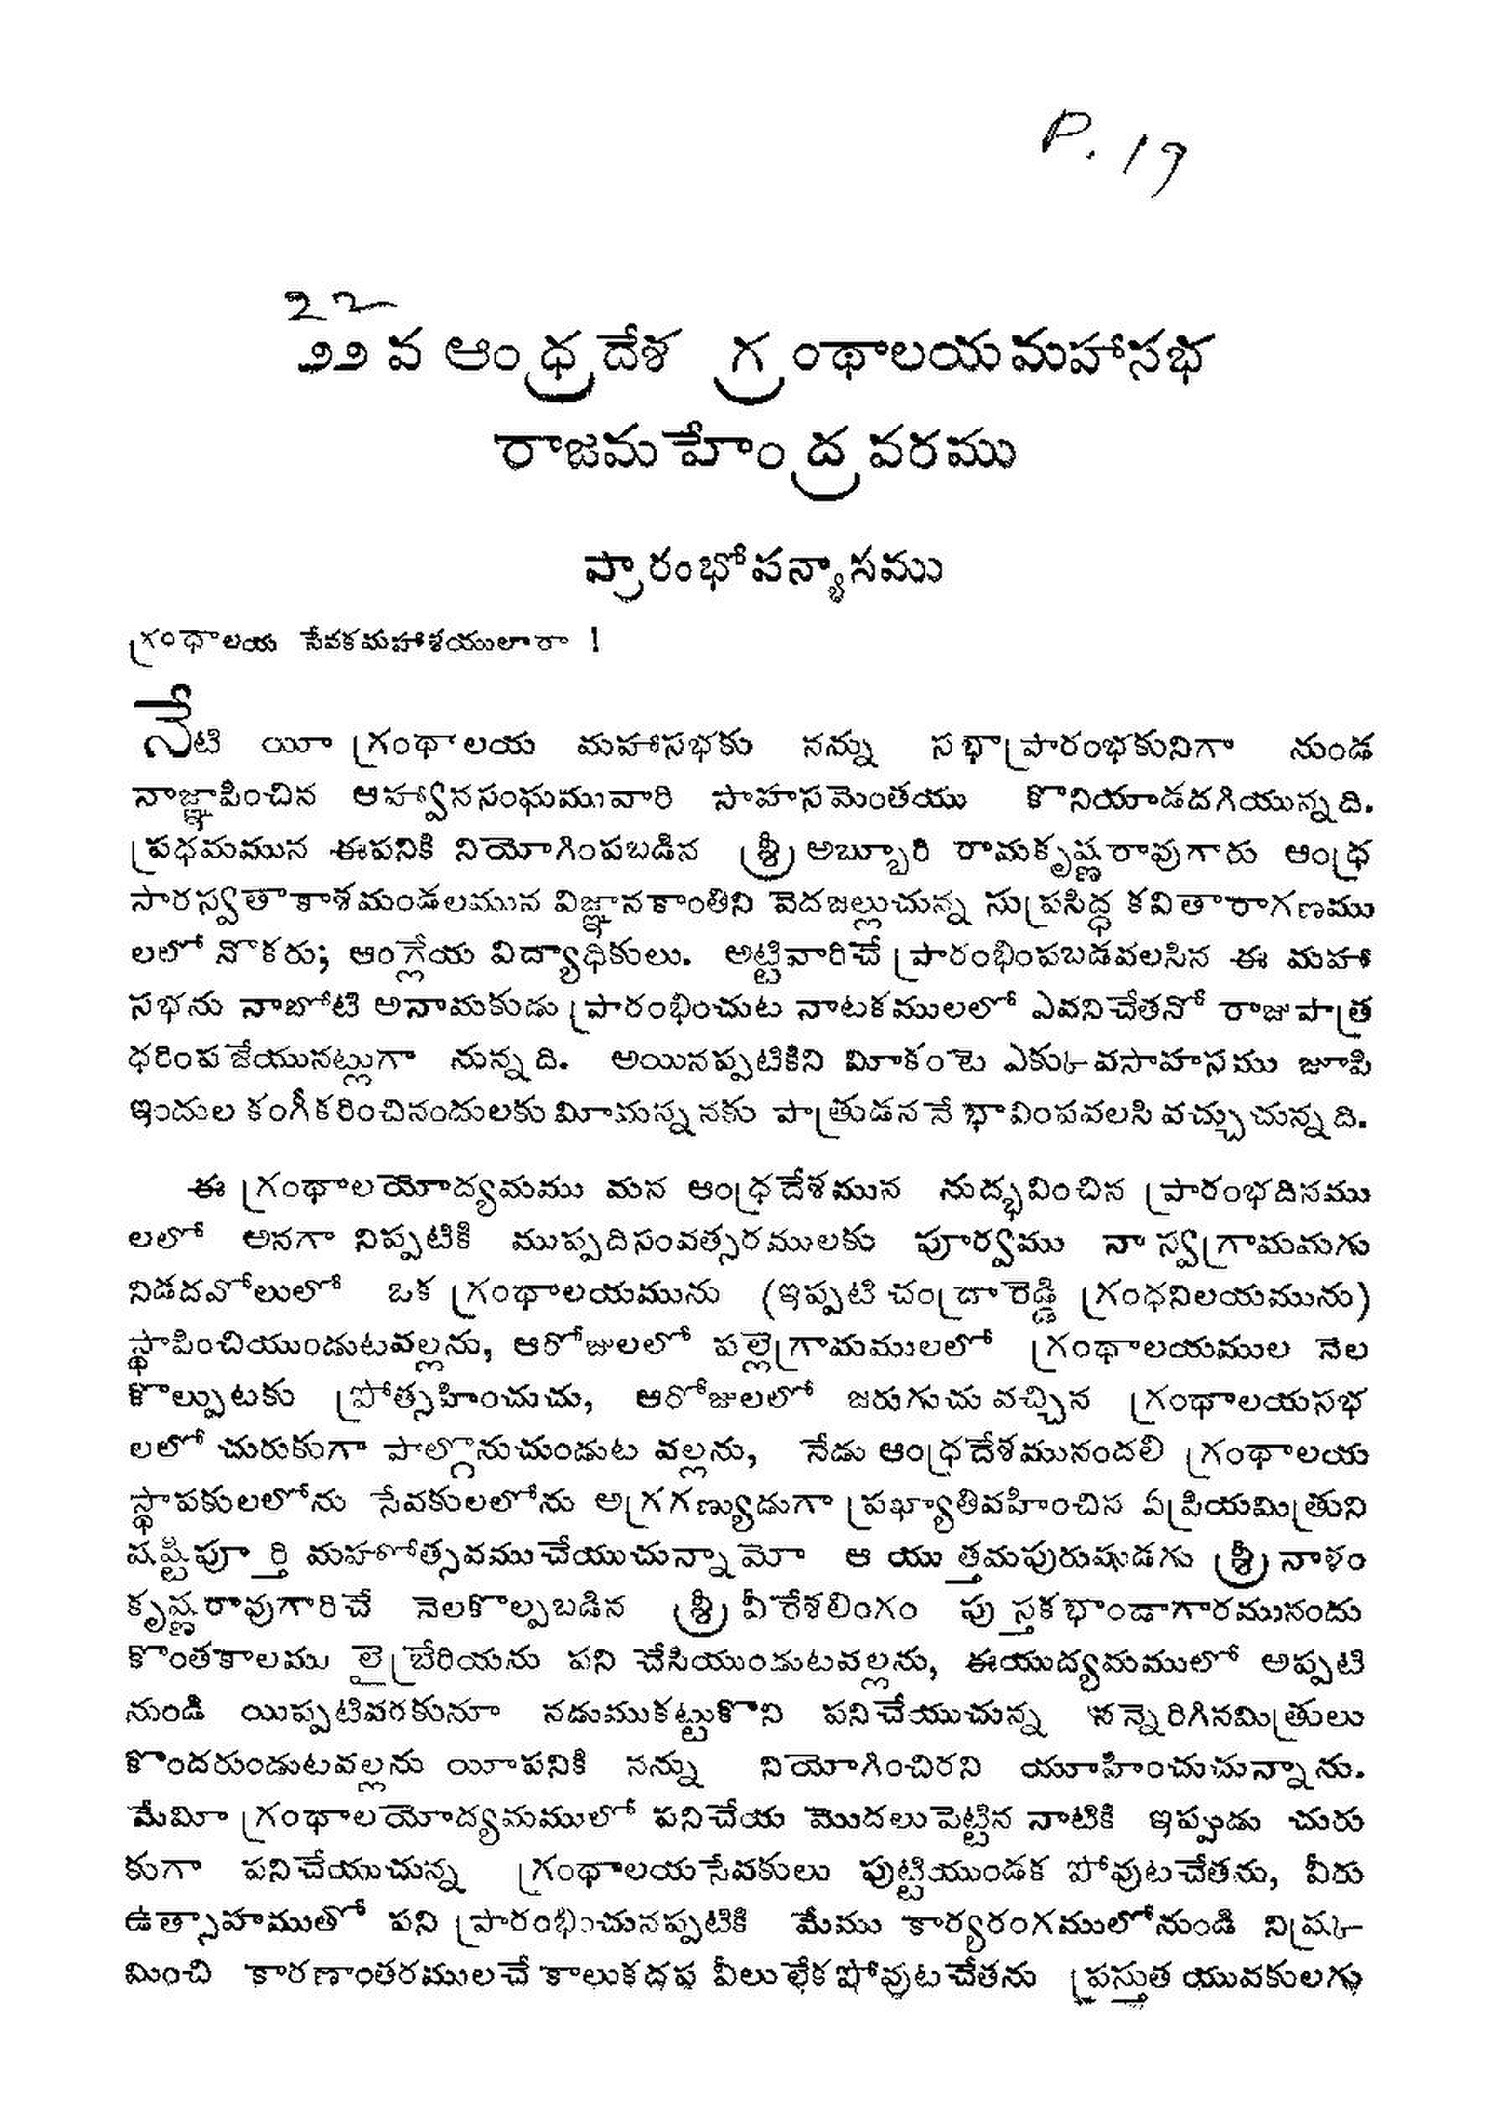గ్రంధాలయ సేవకమహాశయులారా !

నేటి యీ గ్రంథాలయ మహాసభకు నన్ను సభాప్రారంభకునిగా నాజ్ఞాపించిన ఆహ్వాన సంఘము వారి సాహసమెంతయు కొనియాడదగియున్నది. ప్రధమమున ఈపనికి నియోగింపబడిన శ్రీ అబ్బూరి రామకృష్ణరావుగారు ఆంధ్రసారస్వతాకాశమండలమున
విజ్ఞానకాంతిని వెదజల్లుచున్న సుప్రసిద్ధ కవితారాగణము లలో నొకరు; ఆంగ్లేయ విద్యాధికులు. అట్టివారిచే ప్రారంభింపబడవలసిన 
ఈ మహాసభను నాబోటి అనామకుడు ప్రారంభించుట నాటకములలో ఎవనిచేతనో రాజుపాత్ర ధరింపజేయునట్లుగా నున్నది. 
అయినప్పటికిని మీకంటే ఎక్కువసాహసము జూపి ఇందుల కంగీకరించినందులకు మీమన్ననకు పాత్రుడననే భావింపవలసి 
వచ్చుచున్నది.

ఈ గ్రంథాలయోద్యమము మన ఆంధ్రదేశమున నుద్భవించిన ప్రారంభదినము లలో అనగా నిప్పటికి ముప్పది సంవత్సరములకు 
పూర్వము నా స్వగ్రామమగు నిడదవోలులో ఒక గ్రంథాలయమును (ఇప్పటి చంద్రారెడ్డి గ్రంధనిలయమును) స్థాపించియుండుటవల్లను, ఆరోజులలో పల్లె గ్రామములలో గ్రంథాలయములు నెల కొల్పుటకు ప్రోత్సహించుచు, ఆరోజులలో జరుగుచు వచ్చిన గ్రంథాలయ
సభలలో చురుకుగా పాల్గొనుచుండుట వల్లను, నేడు ఆంధ్రదేశమునందలి గ్రంథాలయపకులలోను సేవకులలోను అగ్రగణ్యుడుగా ప్రఖ్యాతివహించిన ఏప్రియమిత్రుని షష్టిపూర్తి మహోత్సవము చేయుచున్నామో ఆ యు తమపురుషుడగు శ్రీ నాళం కృష్ణరావు గారిచే నెలకొల్పబడిన శ్రీ వీరేశలింగం పుస్తకభాండాగారమునందు కొంతకాలము లైబ్రేరియను పని చేసియుండుటవల్లను ఈయుద్యమములో 
అప్పటి నుండి యిప్పటివరకునూ నడుముకట్టుకొని పనిచేయుచున్న నన్నెరిగినమిత్రులు కొందరుండుటవల్లను యీపనికి నన్ను నియోగించిరని యూహించుచున్నాను. మేమీ గ్రంథాలయోద్యమములో పనిచేయ మొదలు పెట్టిన నాటికి ఇప్పుడు చురుకుగా పనిచేయుచున్న గ్రంథాలయ సేవకులు పుట్టియుండక పోవుట చేతను, వీరు ఉత్సాహముతో పని ప్రారంభించునప్పటికి మేము కార్యరంగములో నుండి నిష్క్రమించి కారణాంతరములచే కాలు కదప వీలు లేక పోవుట చేతను ప్రస్తుత యువకులగు